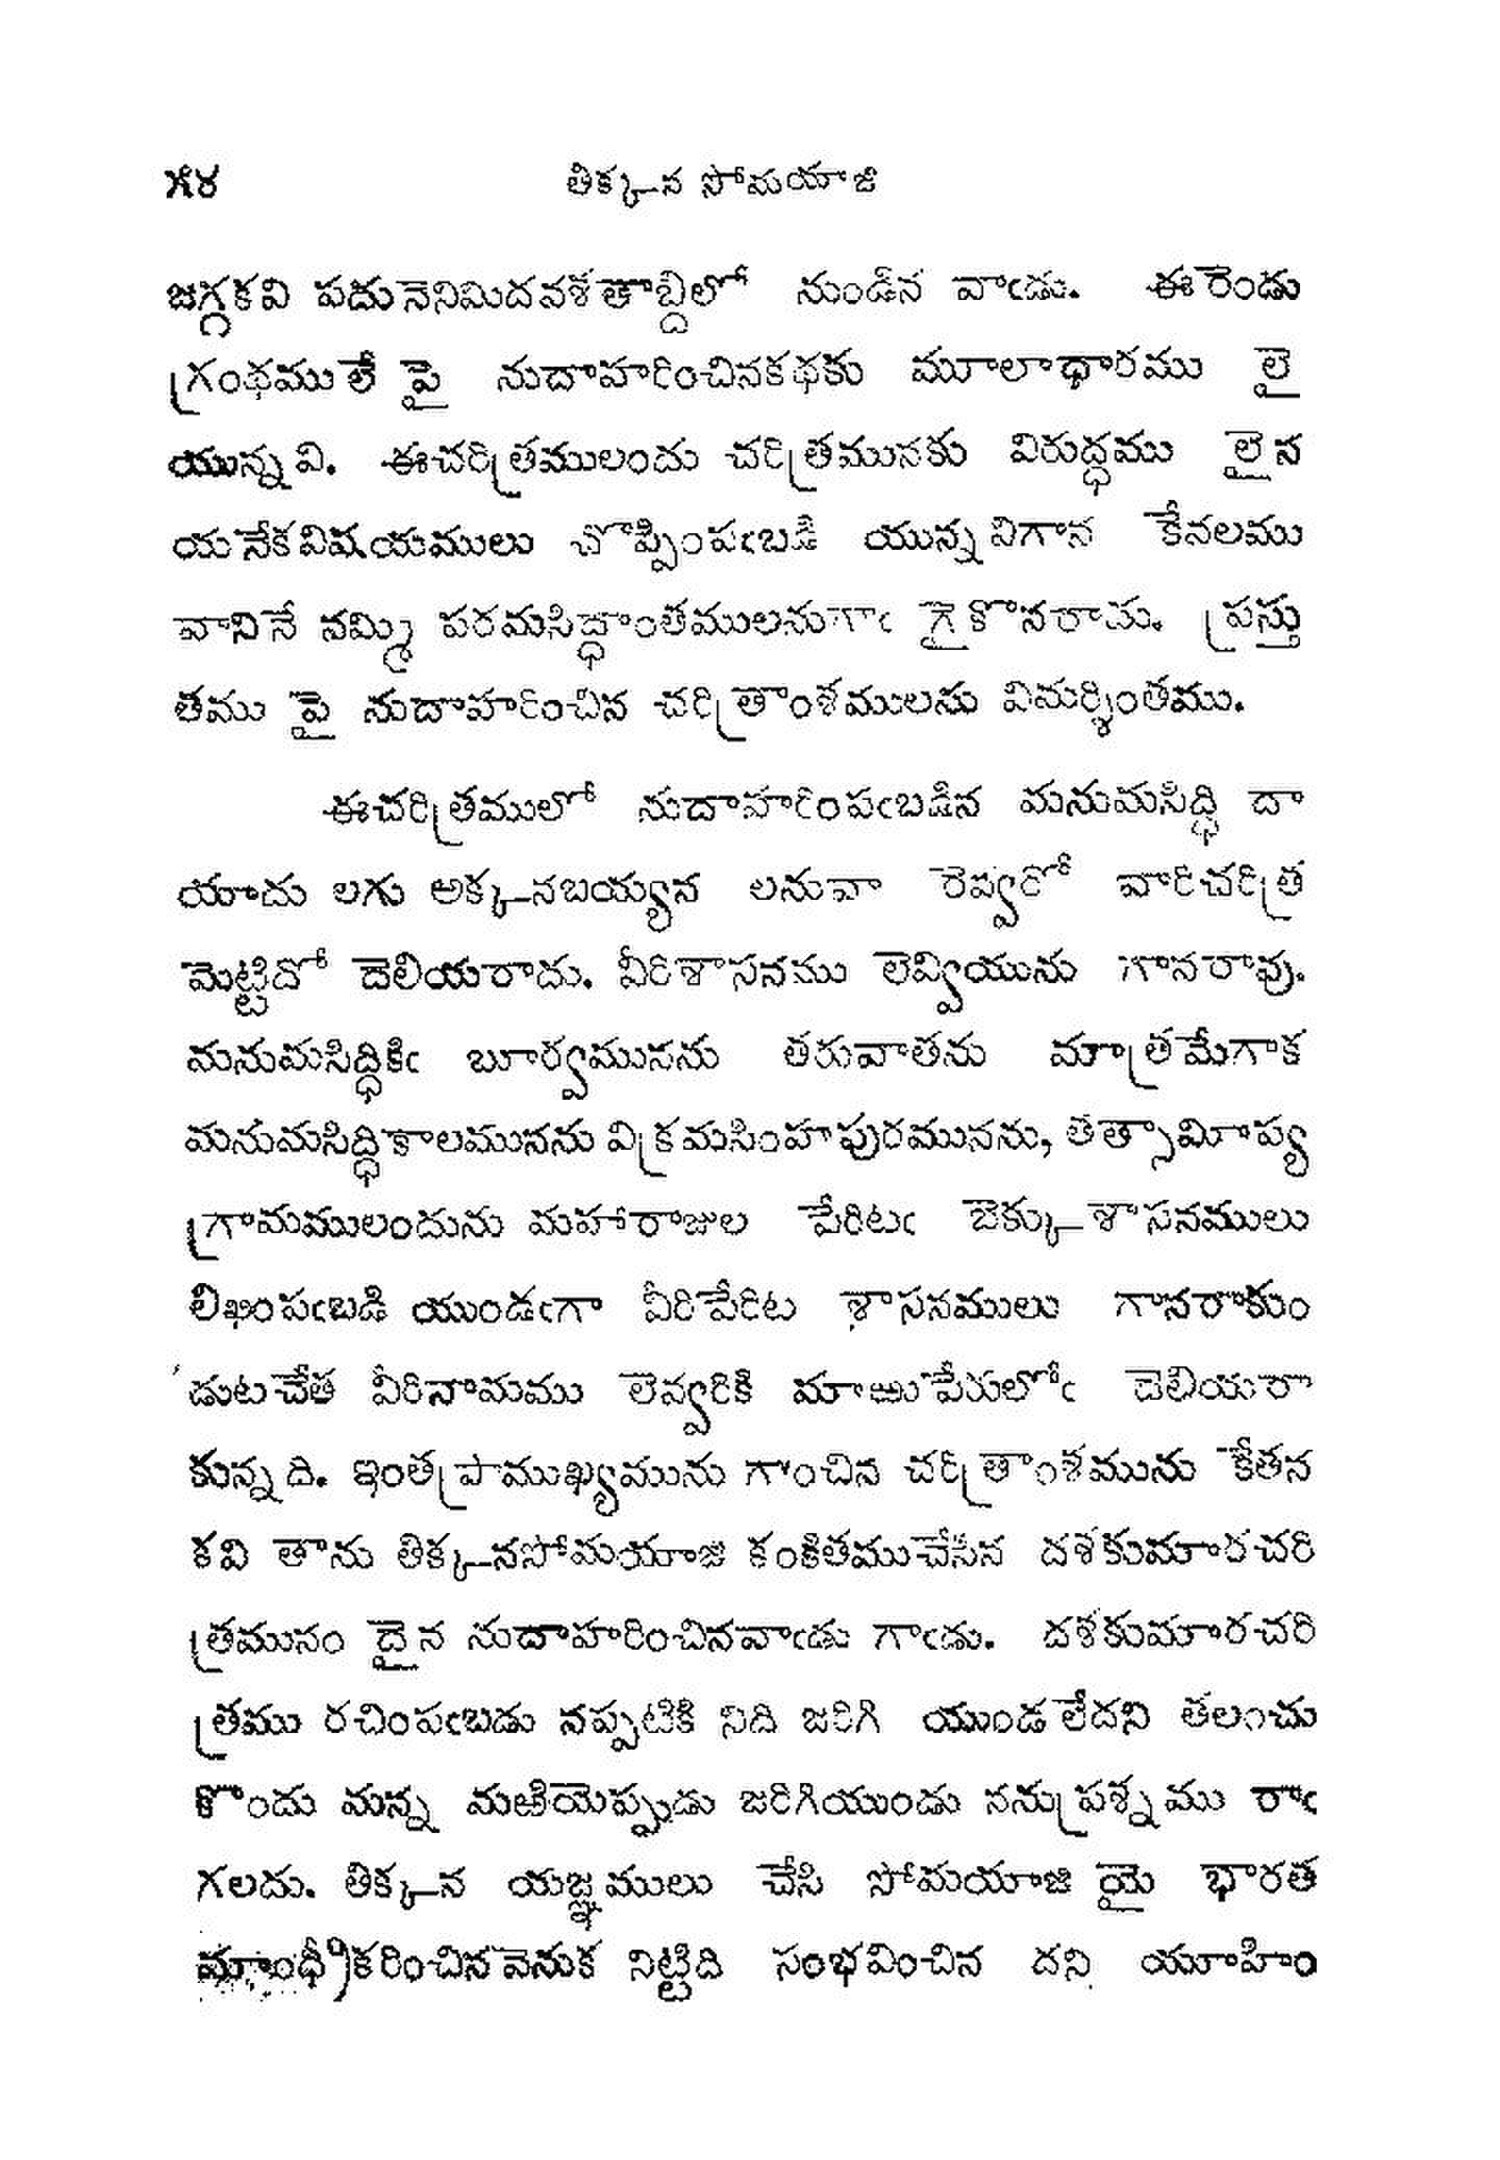జగ్గకవి పదునెనిమిదవశతాబ్దిలో నుండిన వాఁడు. ఈరెండు గ్రంథములే పై నుదాహరించిన కథకు మూలాధారము లై యున్నవి. ఈచరిత్రములందు చరిత్రమునకు విరుద్ధము లైన యనేక విషయములు చొప్పింపఁబడి యున్నవిగాన కేవలము వానినే నమ్మి పరమసిద్ధాంతములనుగాఁ గైకొనరాదు. ప్రస్తుతము పై నుదాహరించిన చరిత్రాంశములను విమర్శింతము.

ఈచరిత్రములో నుదాహరింపఁబడిన మనుమసిద్ధి దాయాదు లగు అక్కనబయ్యన లనువా రెవ్వరో వారిచరిత్ర మెట్టిదో దెలియరాదు. వీరిశాసనము లెవ్వియును గానరావు. మనుమసిద్ధికిఁ బూర్వమునను తరువాతను మాత్రమేగాక మనుమసిద్ధికాలమునను విక్రమసింహపురమునను, తత్సామీప్య గ్రామములందును మహారాజుల పేరిటఁ బెక్కు శాసనములు లిఖంపఁబడి యుండఁగా వీరిపేరిట శాసనములు గానరాకుండుటచేత వీరినామము లెవ్వరికి మాఱుపేరులోఁ దెలియరాకున్నది. ఇంతప్రాముఖ్యమును గాంచిన చరిత్రాంశమును కేతనకవి తాను తిక్కనసోమయాజి కంకితముచేసిన దశకుమారచరిత్రముసం దైన నుదాహరించినవాఁడు గాఁడు. దశకుమారచరిత్రము రచింపఁబడు నప్పటికి నిది జరిగి యుండలేదని తలంచుకొందు మన్న మఱియెప్పుడు జరిగియుండు ననుప్రశ్నము రాఁ గలదు. తిక్కన యజ్ఞములు చేసి సోమయాజి యై భారత మాంధ్రీకరించినవెనుక నిట్టిది సంభవించిన దని యూహిం